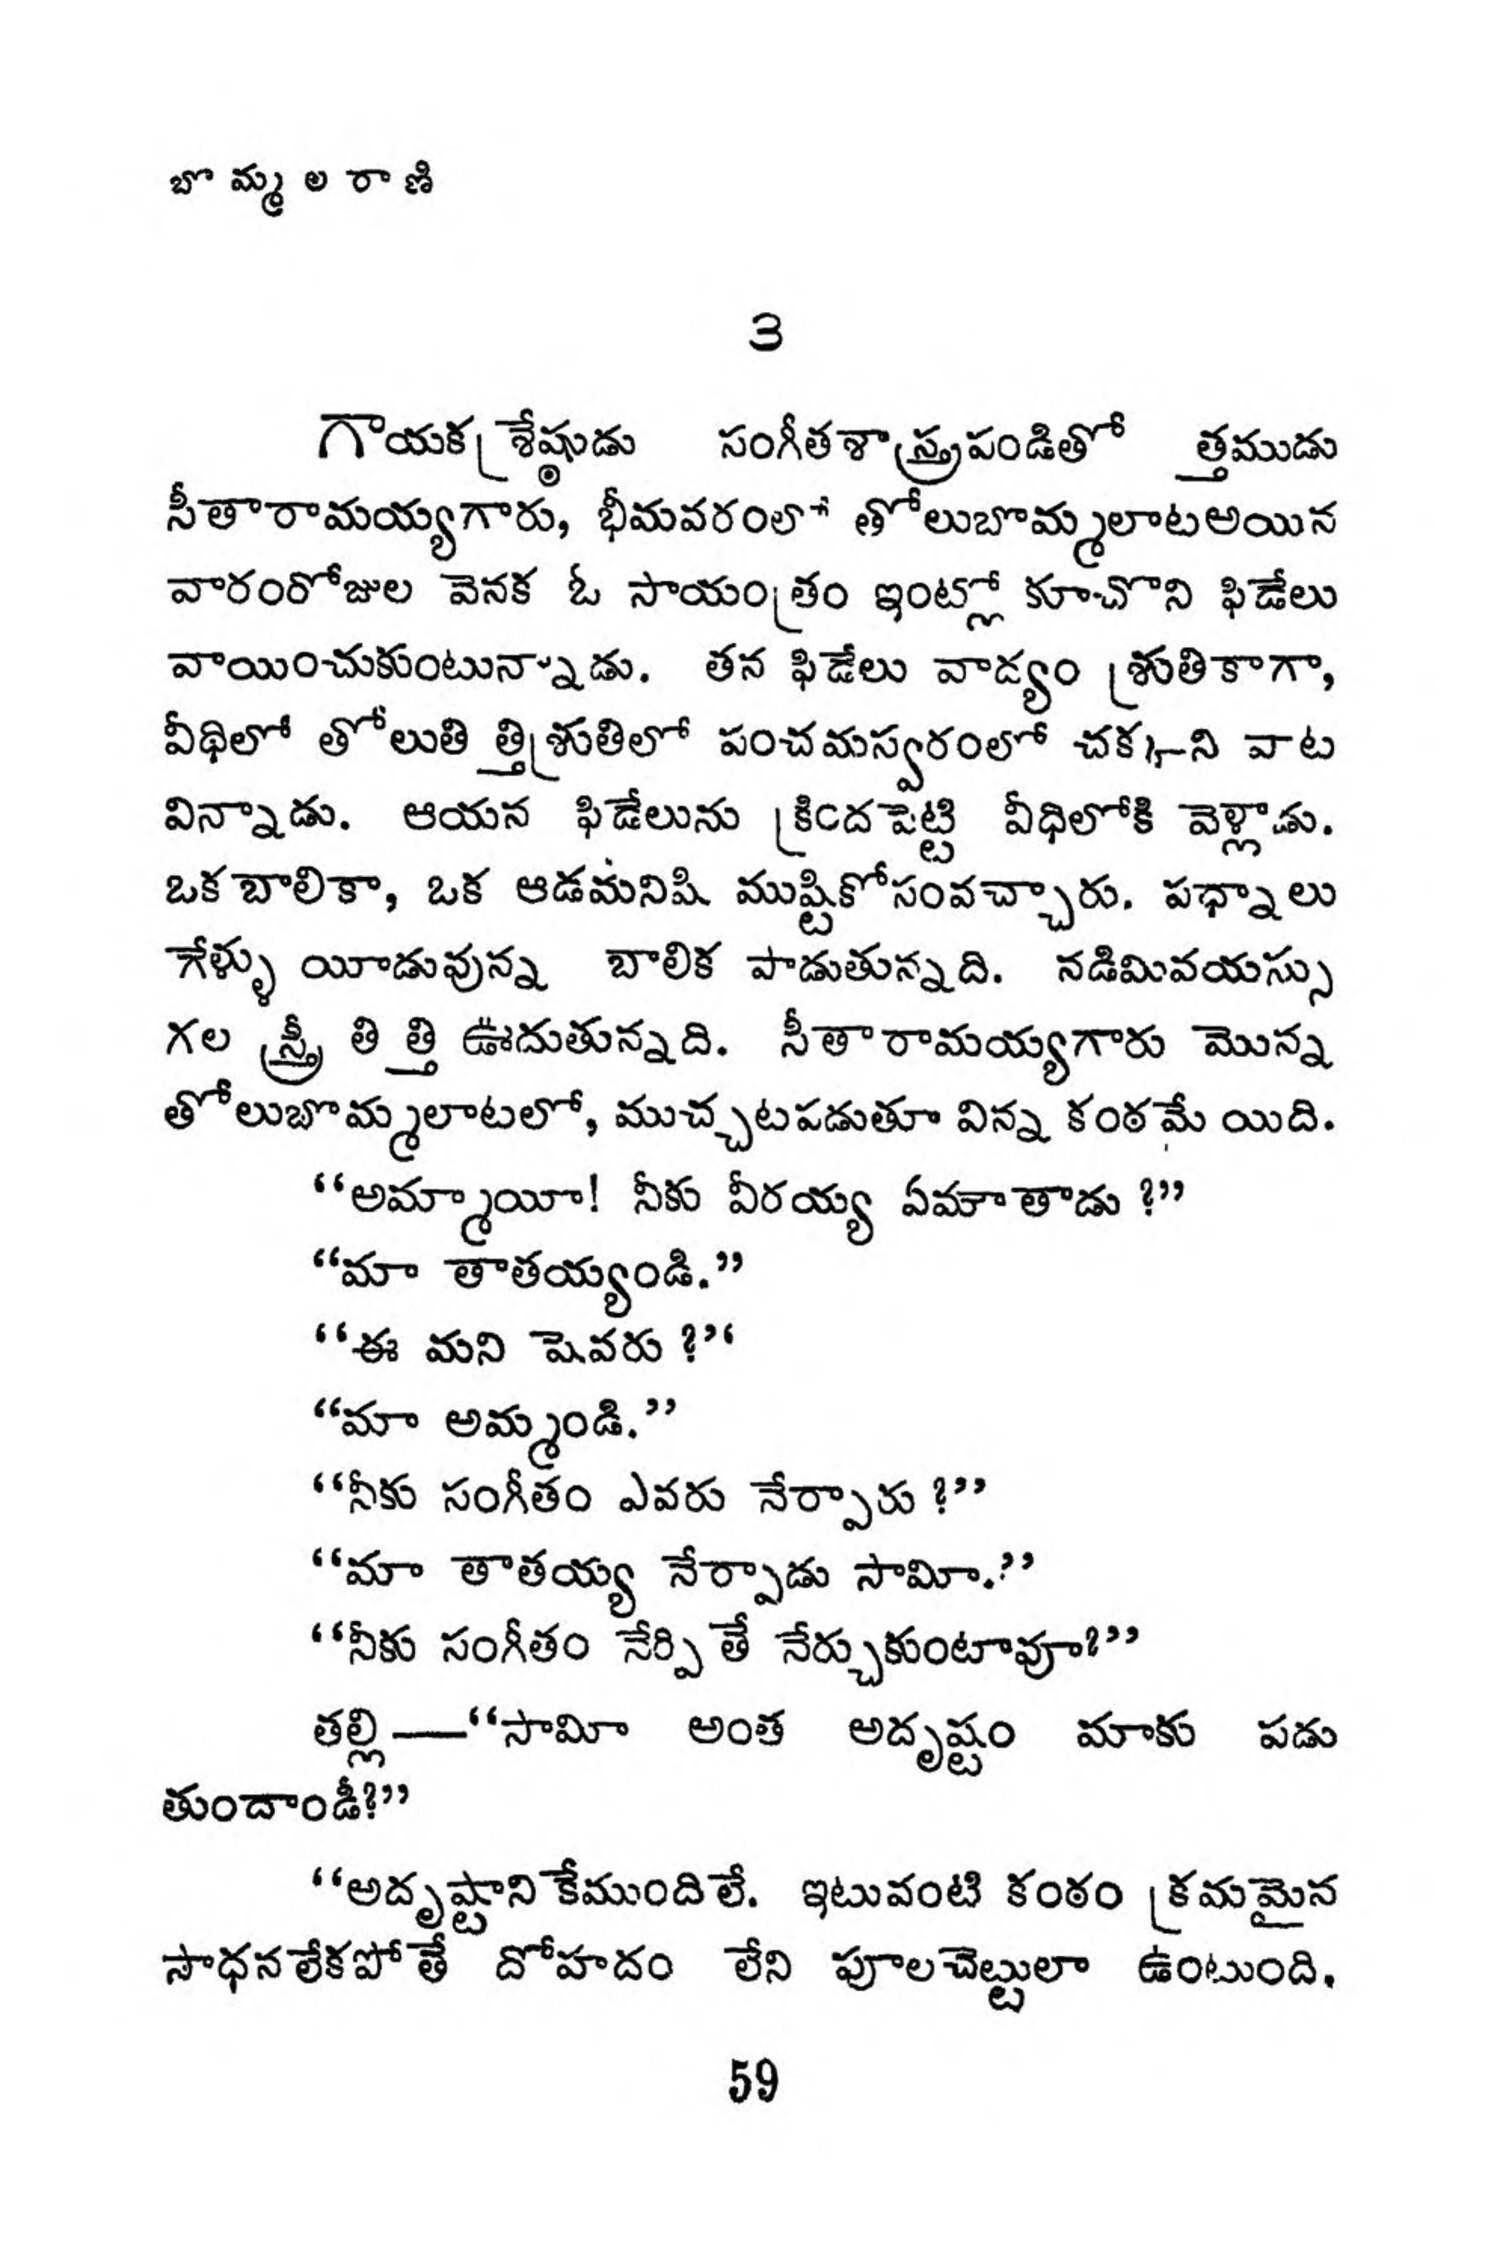3

గాయకశ్రేష్ఠుడు సంగీతశాస్త్రపండితో త్తముడు సీతారామయ్యగారు, భీమవరంలో తోలుబొమ్మలాట అయిన వారంరోజుల వెనక ఓ సాయంత్రం ఇంట్లో కూచొని ఫిడేలు వాయించుకుంటున్నాడు. తన ఫిడేలు వాద్యం శ్రుతికాగా, వీథిలో తోలుతిత్తిశ్రుతిలో పంచమస్వరంలో చక్కని పాట విన్నాడు. ఆయన ఫిడేలును క్రిందపెట్టి వీధిలోకి వెళ్లాడు. ఒకబాలికా, ఒక ఆడమనిషి ముష్టికోసంవచ్చారు. పధ్నాలుగేళ్ళు యీడువున్న బాలిక పాడుతున్నది. నడిమివయస్సు గల స్త్రీ తిత్తి ఊదుతున్నది. సీతారామయ్యగారు మొన్న తోలుబొమ్మలాటలో, ముచ్చటపడుతూ విన్న కంఠమే యిది.

"అమ్మాయీ! నీకు వీరయ్య ఏమౌతాడు?"

"మా తాతయ్యండి."

"ఈ మని షెవరు?"

"మా అమ్మండి."

"నీకు సంగీతం ఎవరు నేర్పారు?"

"మా తాతయ్య నేర్పాడు సామీ."

"నీకు సంగీతం నేర్పితే నేర్చుకుంటావూ?"

తల్లి -- "సామీ అంత అదృష్టం మాకు పడుతుందాండీ?'

"అదృష్టానికేముందిలే. ఇటువంటి కంఠం క్రమమైన సాధనలేకపోతే దోహదం లేని పూలచెట్టులా ఉంటుంది.